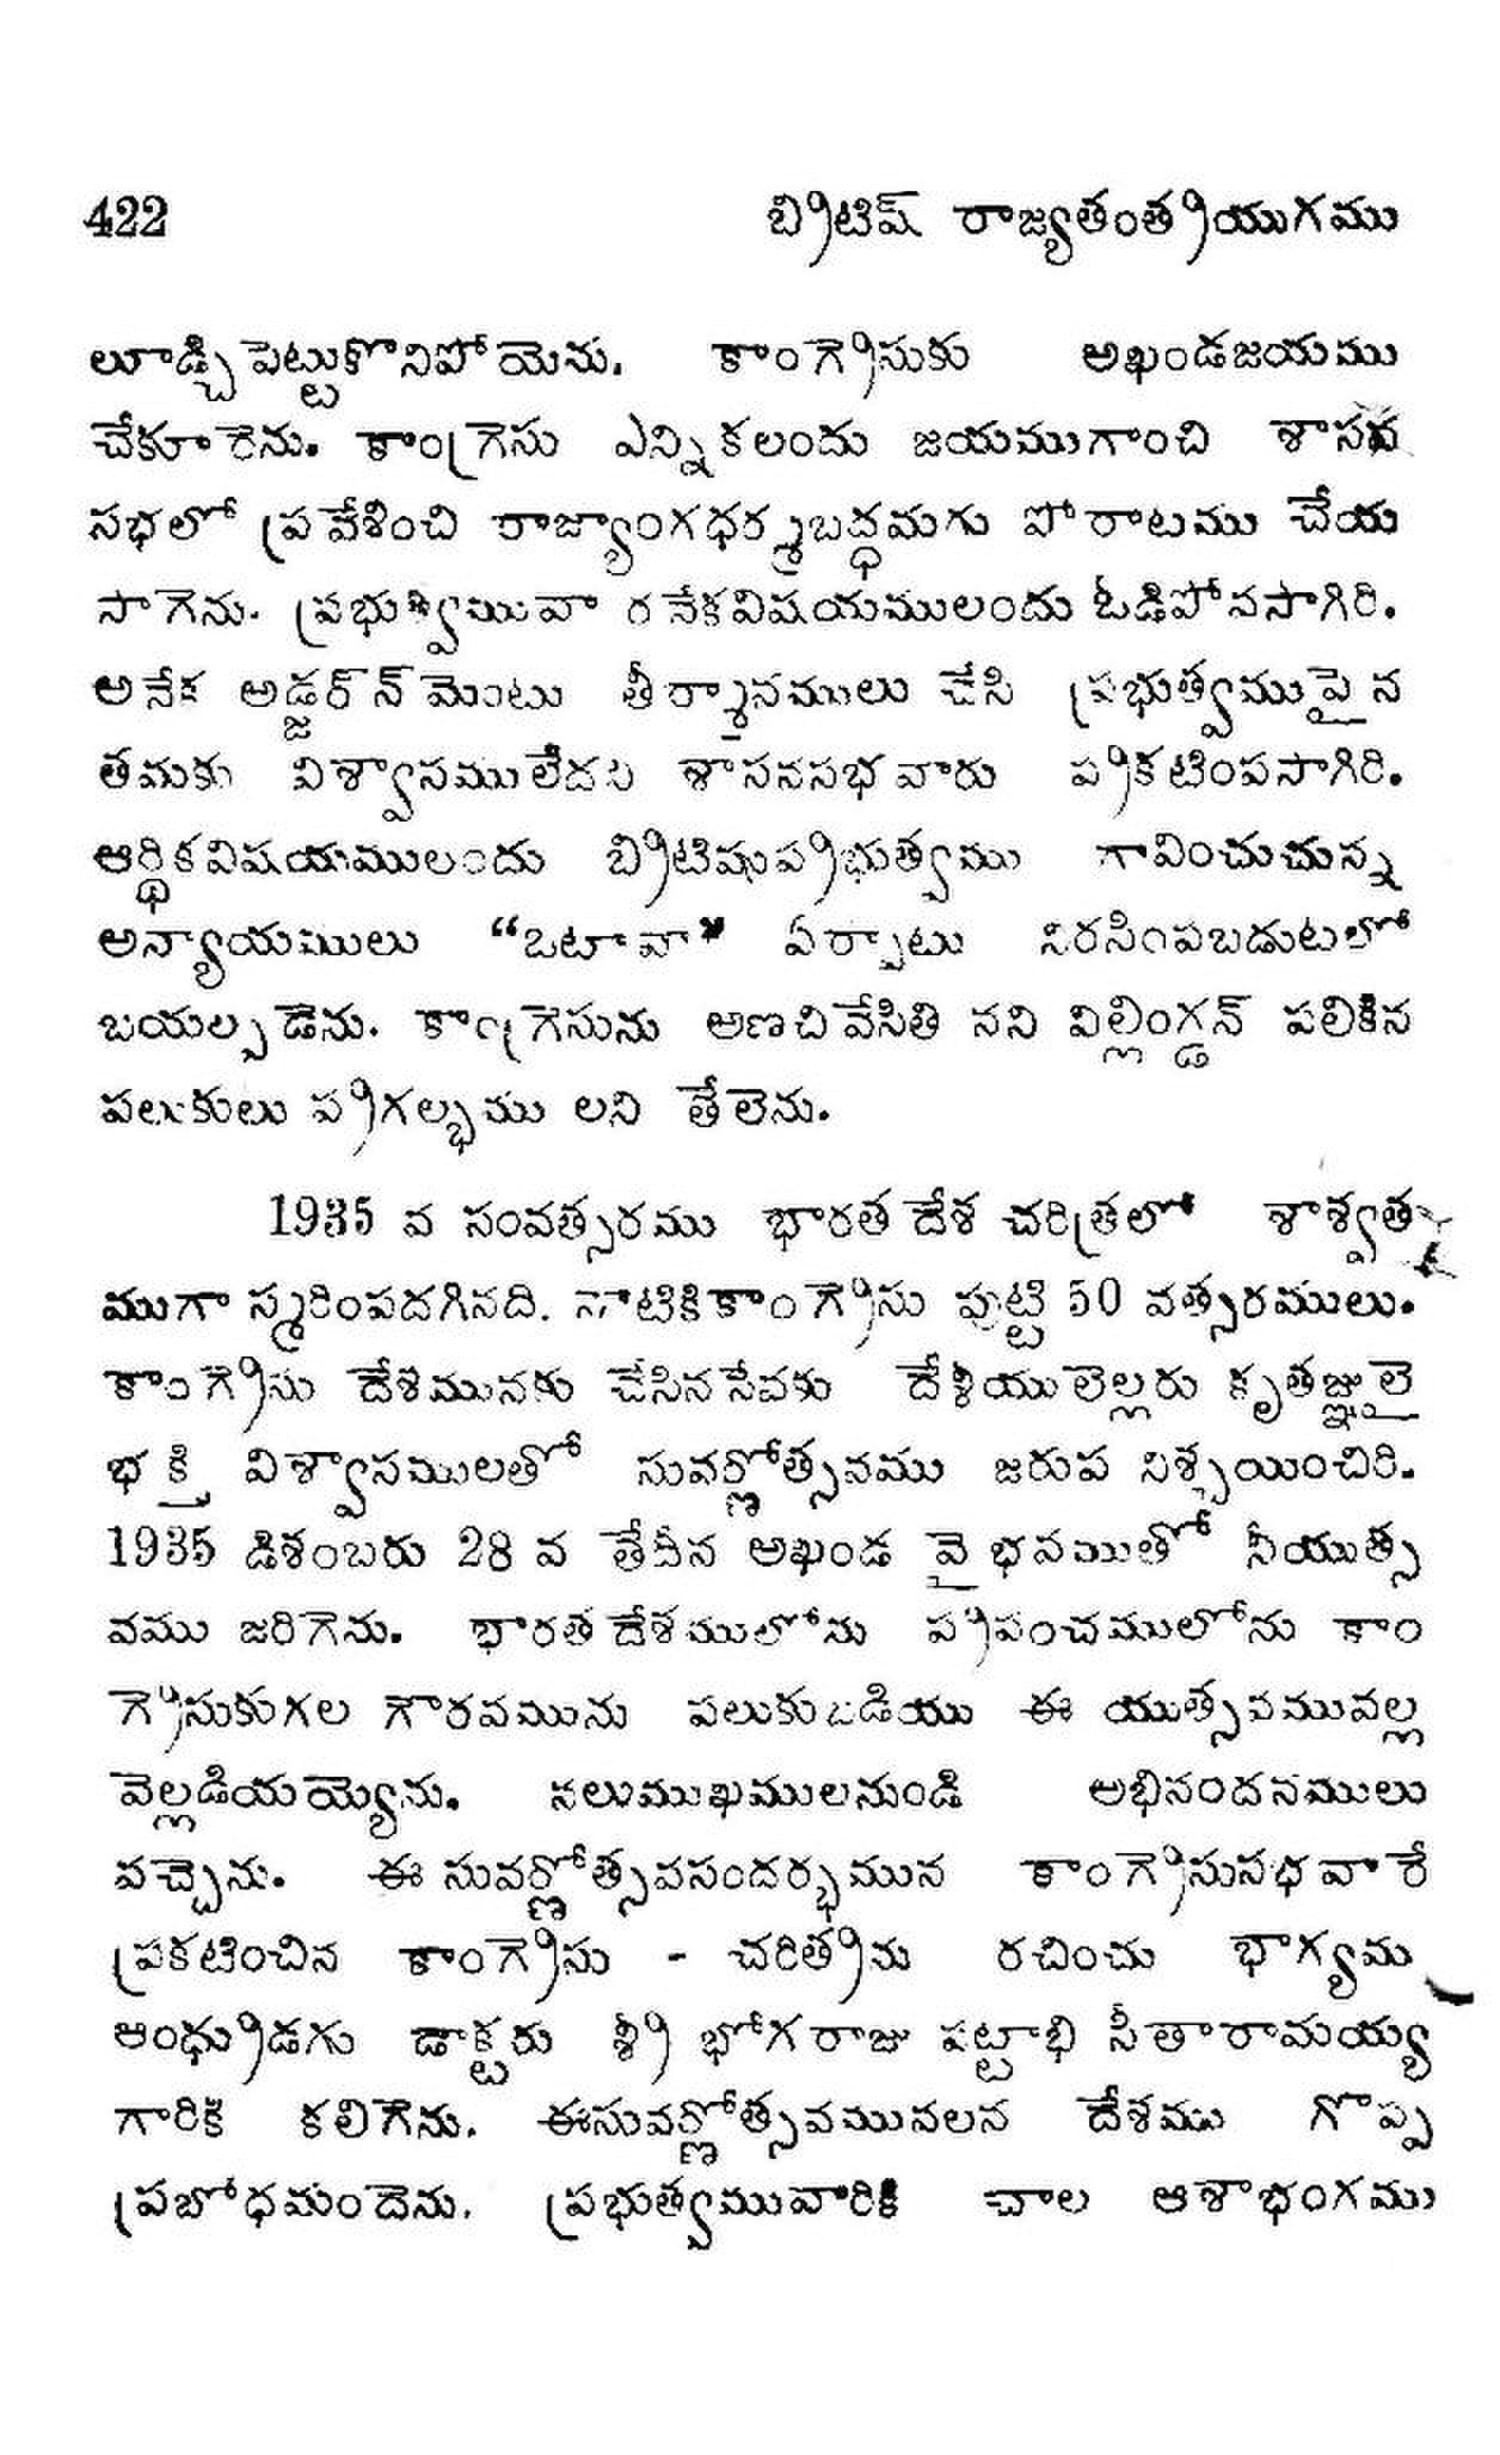లూడ్చి పెట్టుకొనిపోయెను. కాంగ్రెసుకు అఖండజయము చేకూరెను. కాంగ్రెసు ఎన్నికలందు జయముగాంచి శాసనసభలో ప్రవేశించి రాజ్యాంగధర్మబద్ధమగు పోరాటము చేయసాగెను. ప్రభుత్వమువా రనేకవిషయములందు ఓడిపోవసాగిరి. అనేక అడ్జర్‌న్‌మెంటు తీర్మానములు చేసి ప్రభుత్వముపైన తమకు విశ్వాసములేదని శాసనసభవారు ప్రకటింపసాగిరి. ఆర్థికవిషయములందు బ్రిటిషుప్రభుత్వము గావించుచున్న అన్యాయములు “ఒటావా" ఏర్పాటు నిరసింపబడుటలో బయల్పడెను. కాంగ్రెసును అణచివేసితి నని విల్లింగ్డన్ పలికిన పలుకులు ప్రగల్భము లని తేలెను.

1935 వ సంవత్సరము భారతదేశ చరిత్రలో శాశ్వతముగా స్మరింపదగినది. నాటికికాంగ్రెసు పుట్టి 50 వత్సరములు. కాంగ్రెసు దేశమునకు చేసినసేవకు దేశీయులెల్లరు కృతజ్ఞులై భక్తి విశ్వాసములతో సువర్ణోత్సవము జరుప నిశ్చయించిరి. 1935 డిశంబరు 28 వ తేదీన అఖండ వైభవముతో నీయుత్సవము జరిగెను. భారతదేశములోను ప్రపంచములోను కాంగ్రెసుకుగల గౌరవమును పలుకుబడియు ఈ యుత్సవమువల్ల వెల్లడియయ్యెను. నలుముఖములనుండి అభినందనములు వచ్చెను. ఈ సువర్ణోత్సవ సందర్భమున కాంగ్రెసుసభవారే ప్రకటించిన కాంగ్రెసు - చరిత్రను రచించు భాగ్యము ఆంధ్రుడగు డాక్టరు శ్రీ భోగరాజు పట్టాభి సీతారామయ్యగారికి కలిగెను. ఈసువర్ణోత్సవమువలన దేశము గొప్ప ప్రబోధమందెను. ప్రభుత్వమువారికి చాల ఆశాభంగము